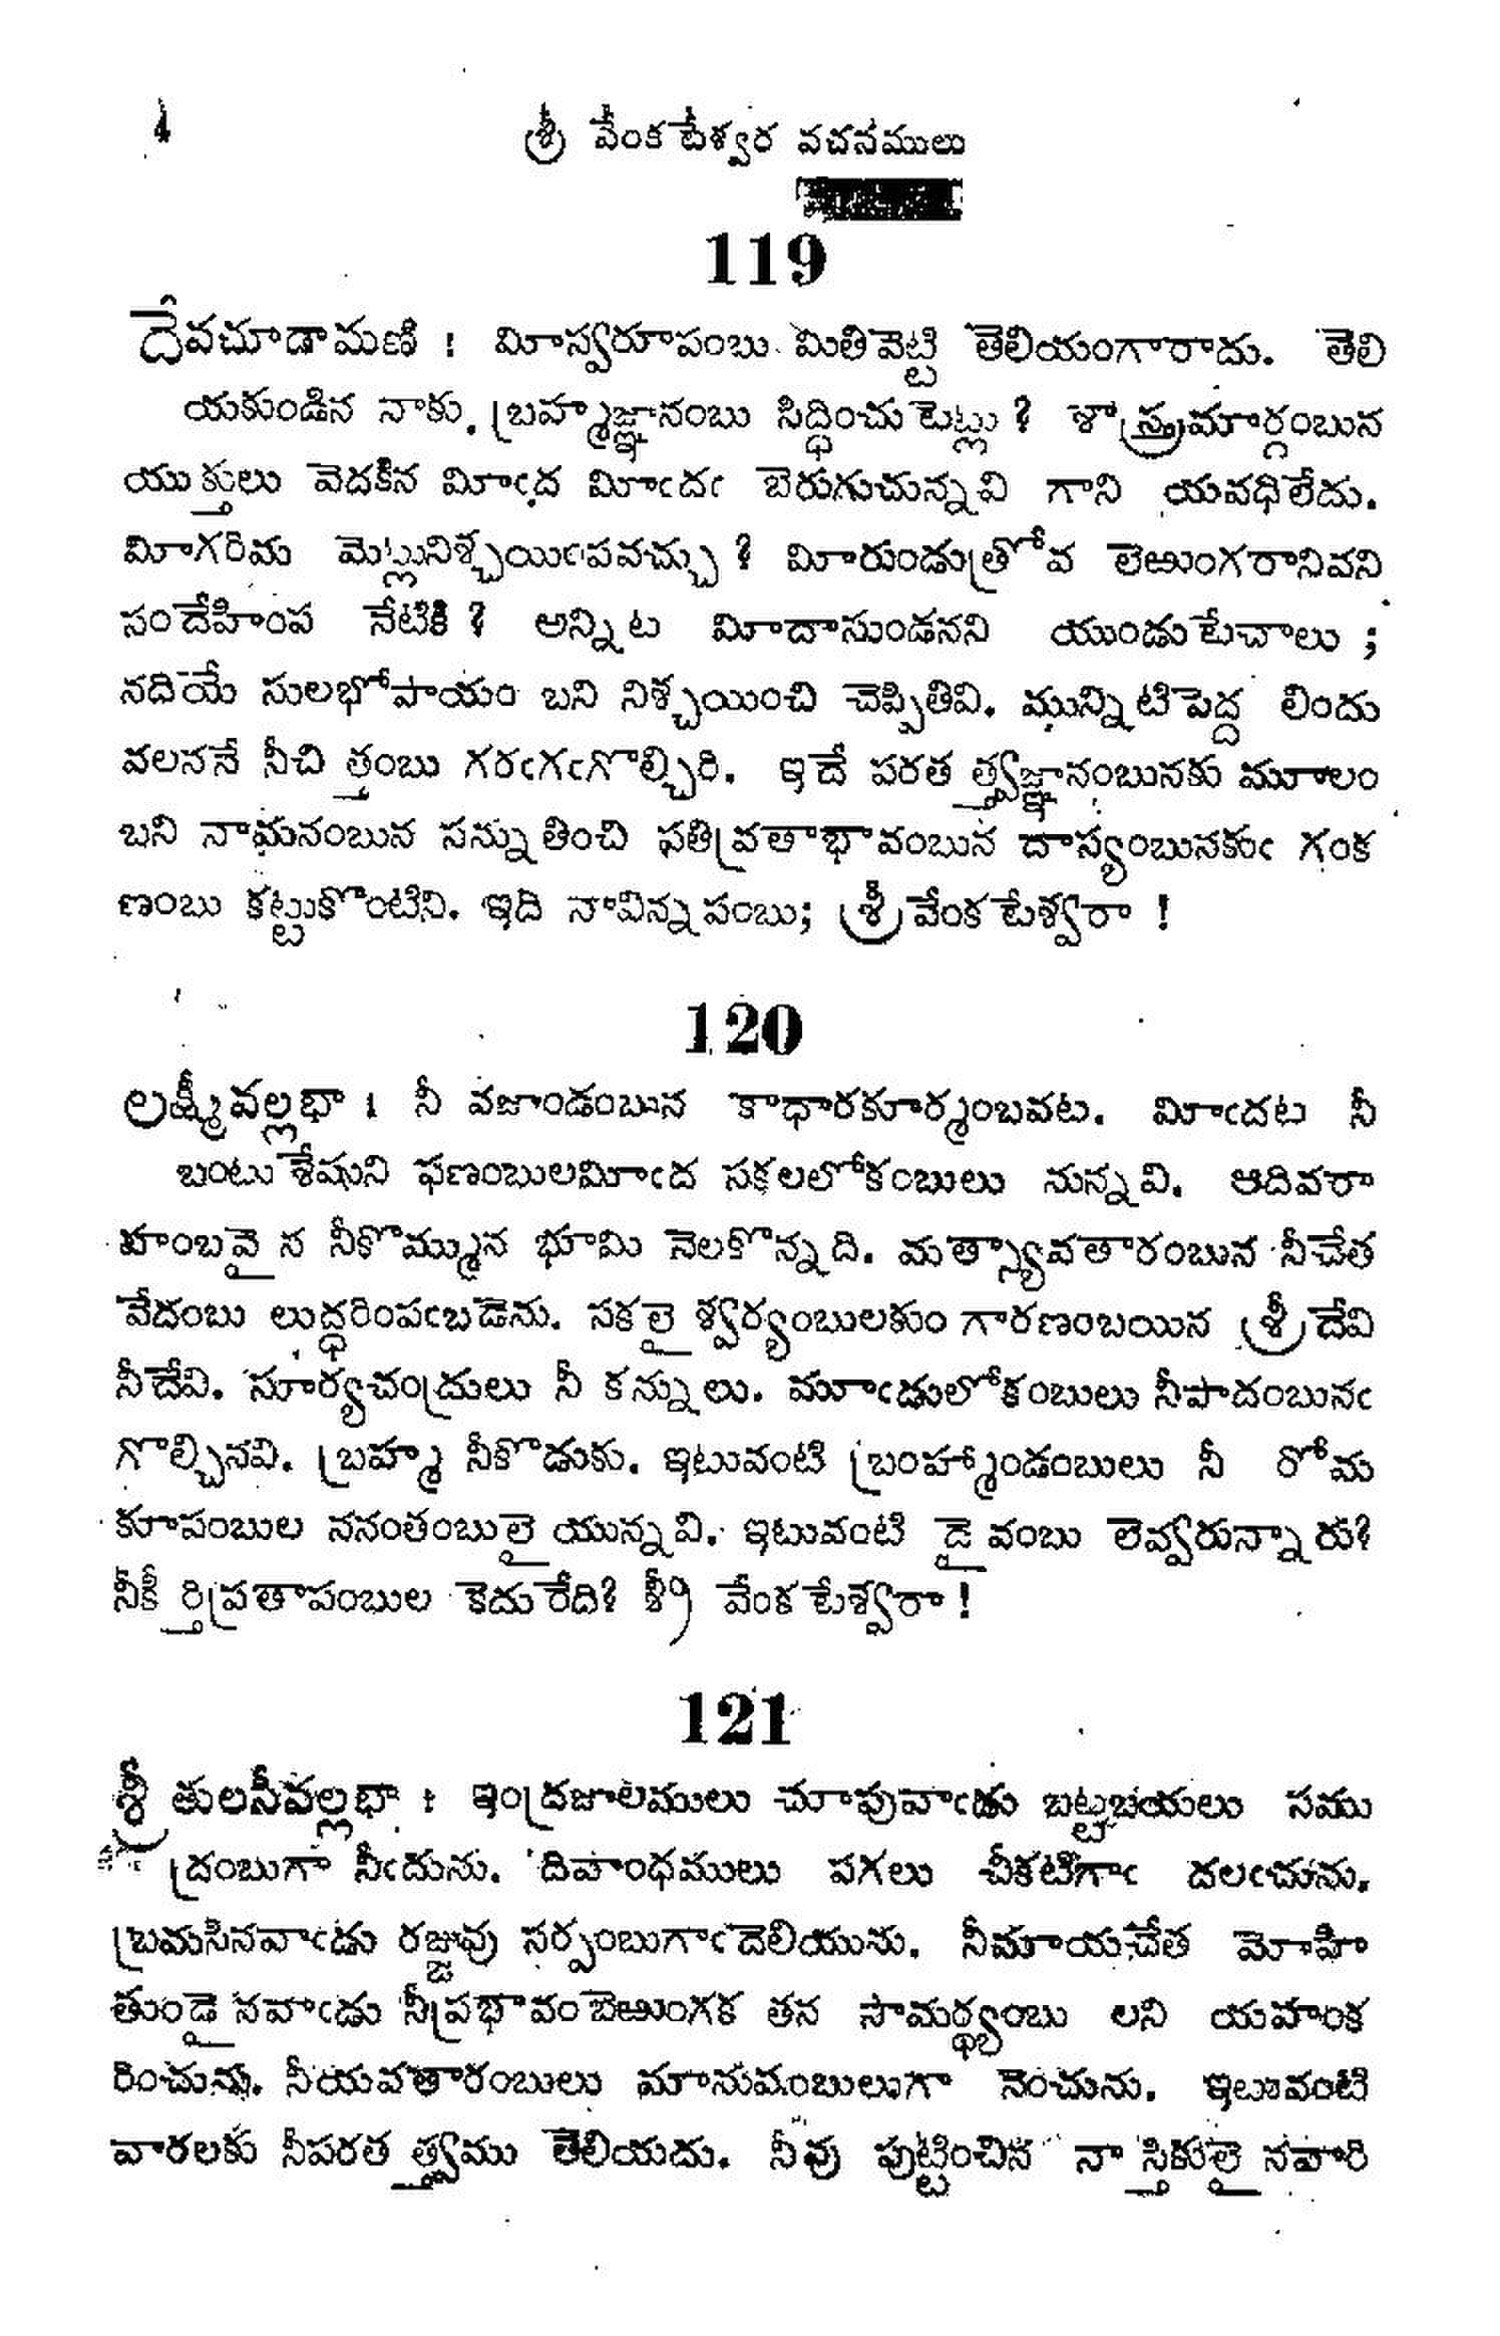119 

 ! మీస్వరూపంబు. మితి వెట్టి తెలియంగారాదు. తెలియకుండిన నాకు, బ్రహ్మజ్ఞానంబు సిద్దించు టెట్లు ? శాస్త్ర మార్గంబున యుక్తులు వెదకిన మీఁద మీఁదఁ బెరుగుచున్నవి గాని యవధి లేదు. నాగరిమ మెట్లు నిశ్చయిఁపవచ్చు ? మీరుండుత్రొవ లెఱుంగరానివని సందేహింప నేటికి , అన్నిట మీదాసుండనని యుండు టేచాలు ; నదియే సులభోపాయం బని నిశ్చయించి చెప్పితివి. మున్ని టి పెద్ద లిందు వలననే నీచి త్తంబు గరఁగఁగొల్చిరి. ఇదే పరత త్వజ్ఞానంబునకు మూలం బని నామనంబున సన్ను తించి పతివ్రతాభావంబున దాస్వంబునకుఁ గంక ణంబు కట్టుకొంటిని. ఇది నావిన్నపంబు; శ్రీ వేంక టేశ్వరా !

120

 ! నీ వజాండంబున కాధారకూర్మంబవట. మీఁదట నీ బంటు శేషుని ఫణంబులమీఁద సకలలోకంబులు నున్నవి. ఆదివరా హంబవై న నీకొమ్మున భూమి నెలకొన్నది. మత్స్యావతారంబున 'నీచేత వేదంబు లుద్దరింపఁబడెను. సకలై శ్వర్యంబులకుం గారణంబయిన శ్రీదేవి నీదేవి. సూర్యచంద్రులు నీ కన్నులు. మూఁడులోకంబులు నీ పాదంబునఁ గొల్చినవి. బ్రహ్మ నీకొడుకు. ఇటువంటి బ్రంహ్మాండంబులు నీ రోమ కూపంబుల ననంతంబులై యున్నవి. ఇటువంటి దైవంబు లెవ్వరున్నారు? నీకీ ర్తిప్రతాపంబుల కెదు రేది? శ్రీ వేంకటేశ్వరా !

121 

 ! ఇంద్రజూలములు చూవువాఁడు బట్టబయలు సముద్రంబుగా నీఁదును. 'దివాంధములు పగలు చీకటిగాఁ దలఁచును, బ్రమసినవాఁడు రజ్జువు సర్పంబుగాఁ దెలియును. నీ మాయచేత మోహి తుండై నవాఁడు 'నీప్రభావం బెఱుంగక తన సామర్థ్యంబు లని యహంక రించును. నీయవతారంబులు మానుషంబులుగా నెంచును. ఇటువంటి వారలకు నీపరత త్త్వము తెలియదు. నీవు పుట్టించిన " నా స్తికులై నవారి